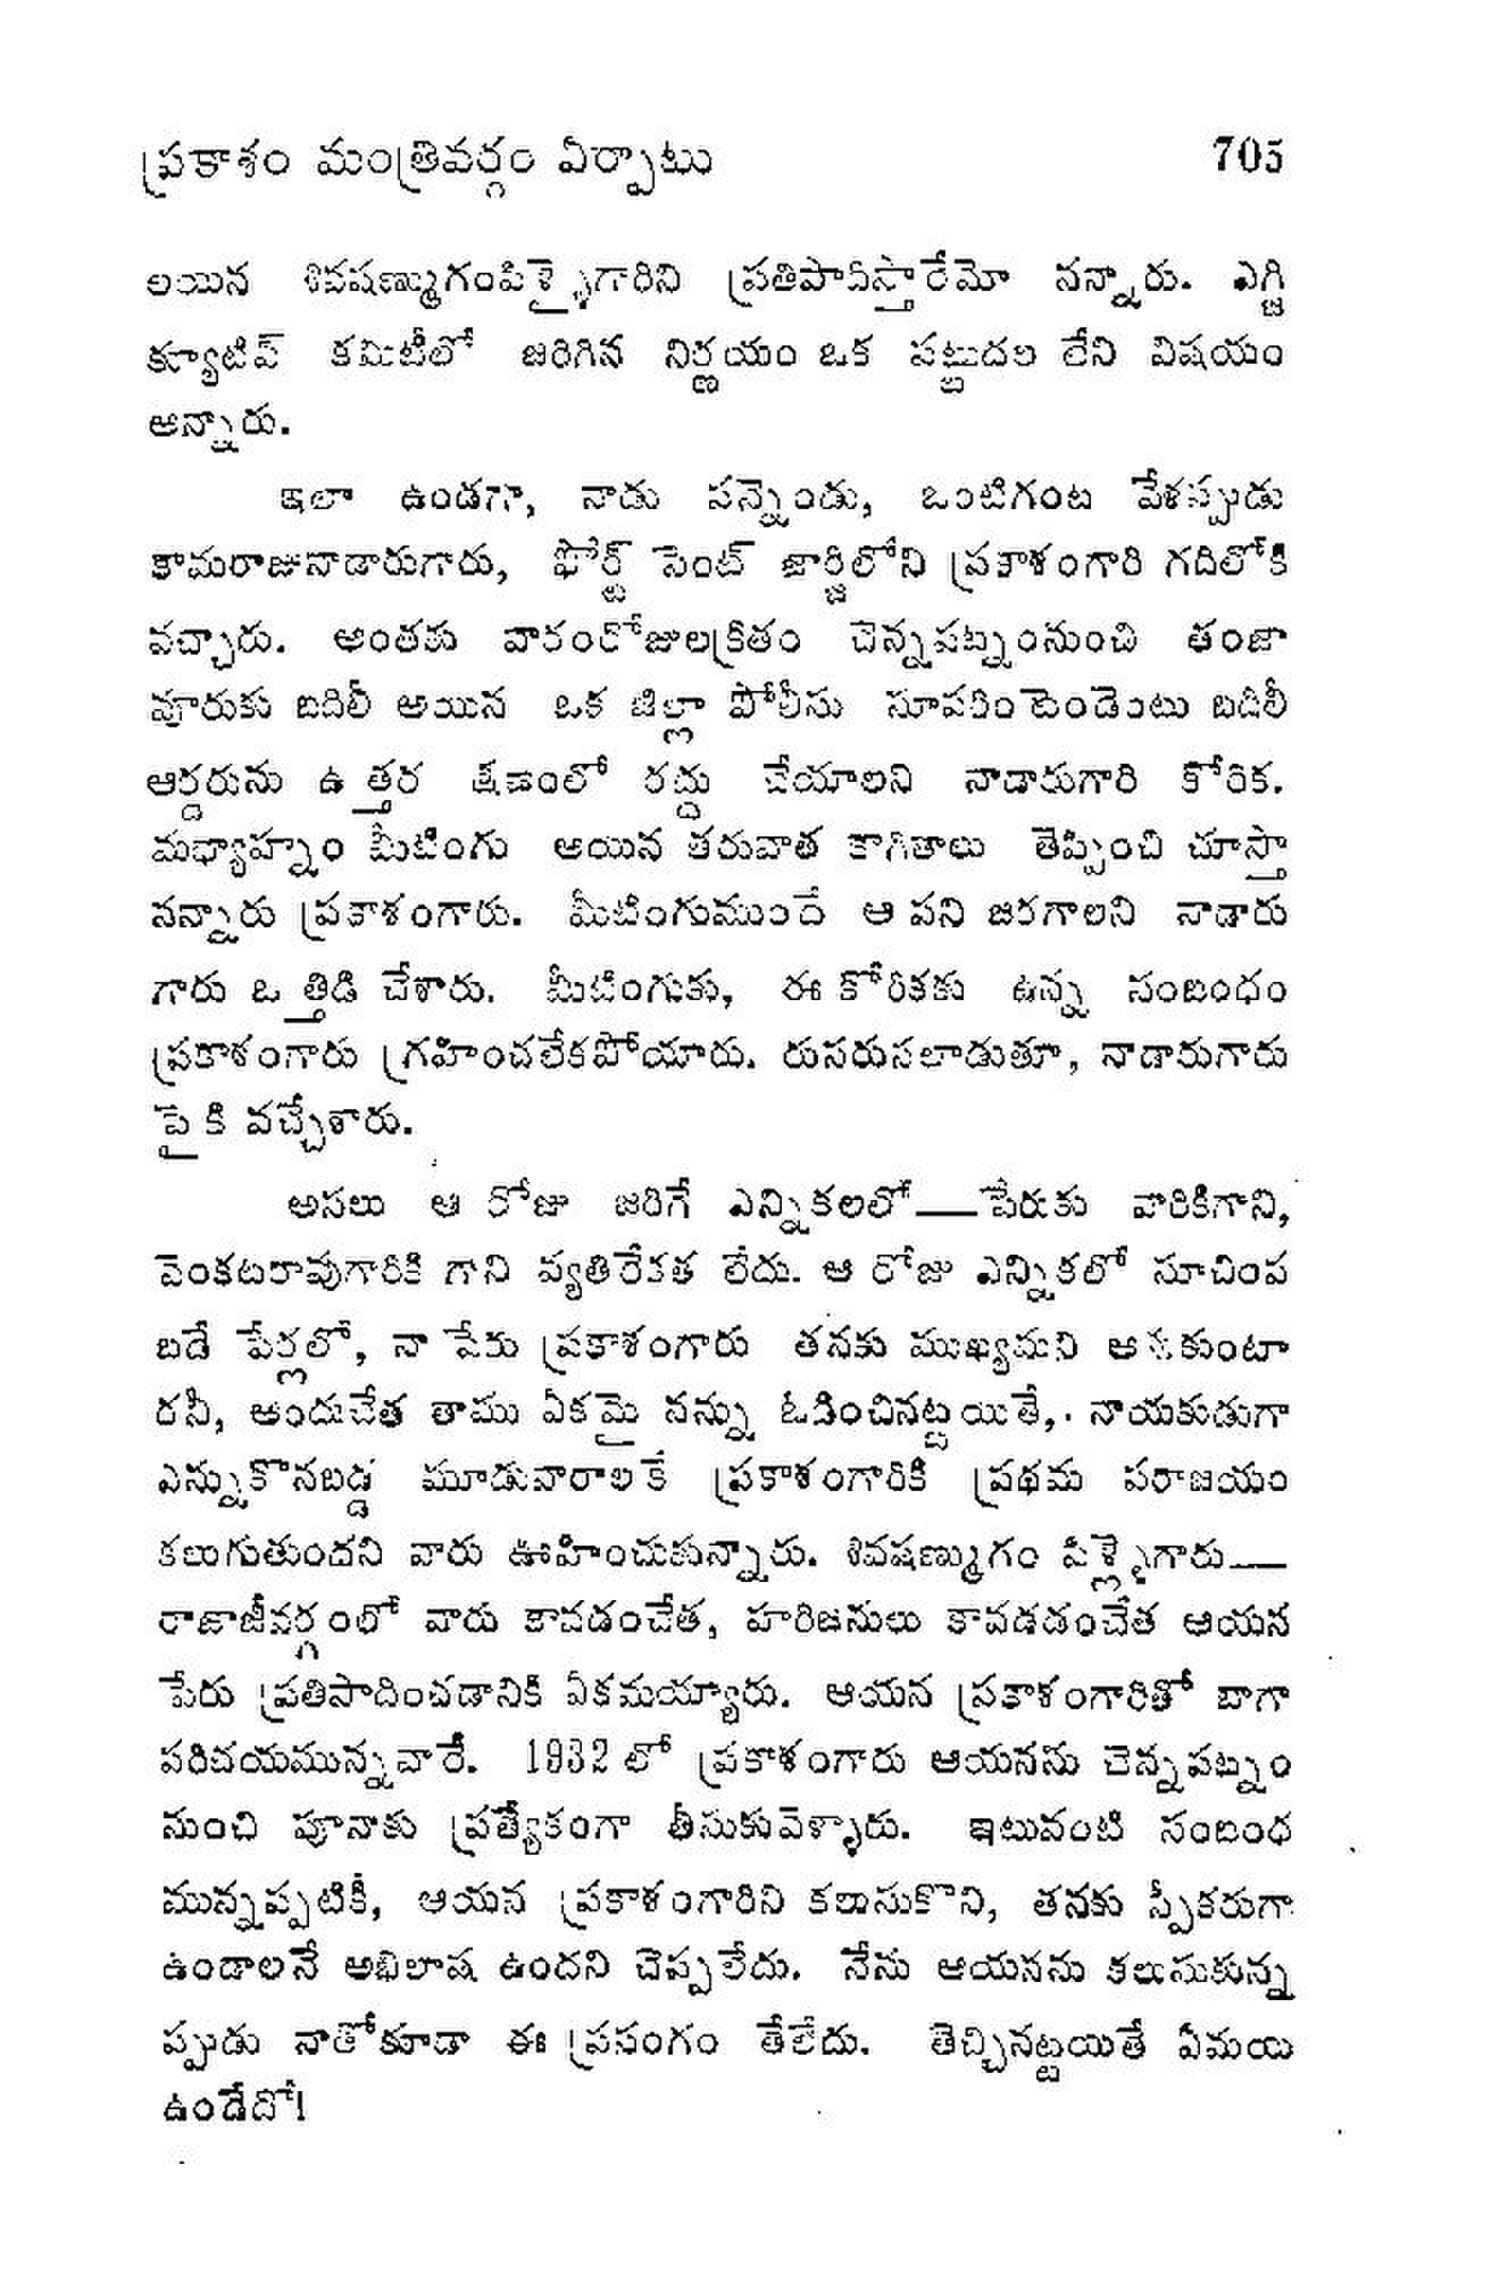లయిన శివషణ్ముగంపిళ్ళైగారిని ప్రతిపాదిస్తారేమో నన్నారు. ఎగ్జిక్యూటివ్ కమిటీలో జరిగిన నిర్ణయం ఒక పట్టుదల లేని విషయం అన్నారు.

ఇలా ఉండగా, నాడు పన్నెండు, ఒంటిగంట వేళప్పుడు కామరాజునాడారుగారు, ఫోర్ట్ సెంట్ జార్జిలోని ప్రకాశంగారి గదిలోకి వచ్చారు. అంతకు వారంరోజులక్రితం చెన్నపట్నంనుంచి తంజావూరుకు బదిలీ అయిన ఒక జిల్లా పోలీసు సూపరింటెండెంటు బదిలీ ఆర్డరును ఉత్తర క్షణంలో రద్దు చేయాలని నాడారుగారి కోరిక. మధ్యాహ్నం మీటింగు అయిన తరువాత కాగితాలు తెప్పించి చూస్తానన్నారు ప్రకాశంగారు. మీటింగుముందే ఆ పని జరగాలని నాడారుగారు ఒత్తిడి చేశారు. మీటింగుకు, ఈ కోరికకు ఉన్న సంబంధం ప్రకాశంగారు గ్రహించలేకపోయారు. రుసరుసలాడుతూ, నాడారుగారు పైకి వచ్చేశారు.

అసలు ఆ రోజు జరిగే ఎన్నికలలో - పేరుకు వారికిగాని, వెంకటరావుగారికి గాని వ్యతిరేకత లేదు. ఆ రోజు ఎన్నికలో సూచింపబడే పేర్లలో, నా పేరు ప్రకాశంగారు తనకు ముఖ్యమని అనుకుంటారనీ, అందుచేత తాము ఏకమై నన్ను ఓడించినట్టయితే, నాయకుడుగా ఎన్నుకొనబడ్డ మూడువారాలకే ప్రకాశంగారికి ప్రథమ పరాజయం కలుగుతుందని వారు ఊహించుకున్నారు. శివషణ్ముగం పిళ్ళైగారు - రాజాజీవర్గంలో వారు కావడంచేత, హరిజనులు కావడంచేత ఆయన పేరు ప్రతిపాదించడానికి ఏకమయ్యారు. ఆయన ప్రకాశంగారితో బాగా పరిచయమున్నవారే. 1932 లో ప్రకాశంగారు ఆయనను చెన్నపట్నం నుంచి పూనాకు ప్రత్యేకంగా తీసుకువెళ్ళారు. ఇటువంటి సంబంధమున్నప్పటికి, ఆయన ప్రకాశంగారిని కలుసుకొని, తనకు స్పీకరుగా ఉండాలనే అభిలాష ఉందని చెప్పలేదు. నేను ఆయనను కలుసుకున్నప్పుడు నాతోకూడా ఈ ప్రసంగం తేలేదు. తెచ్చినట్టయితే ఏమయి ఉండేదో!